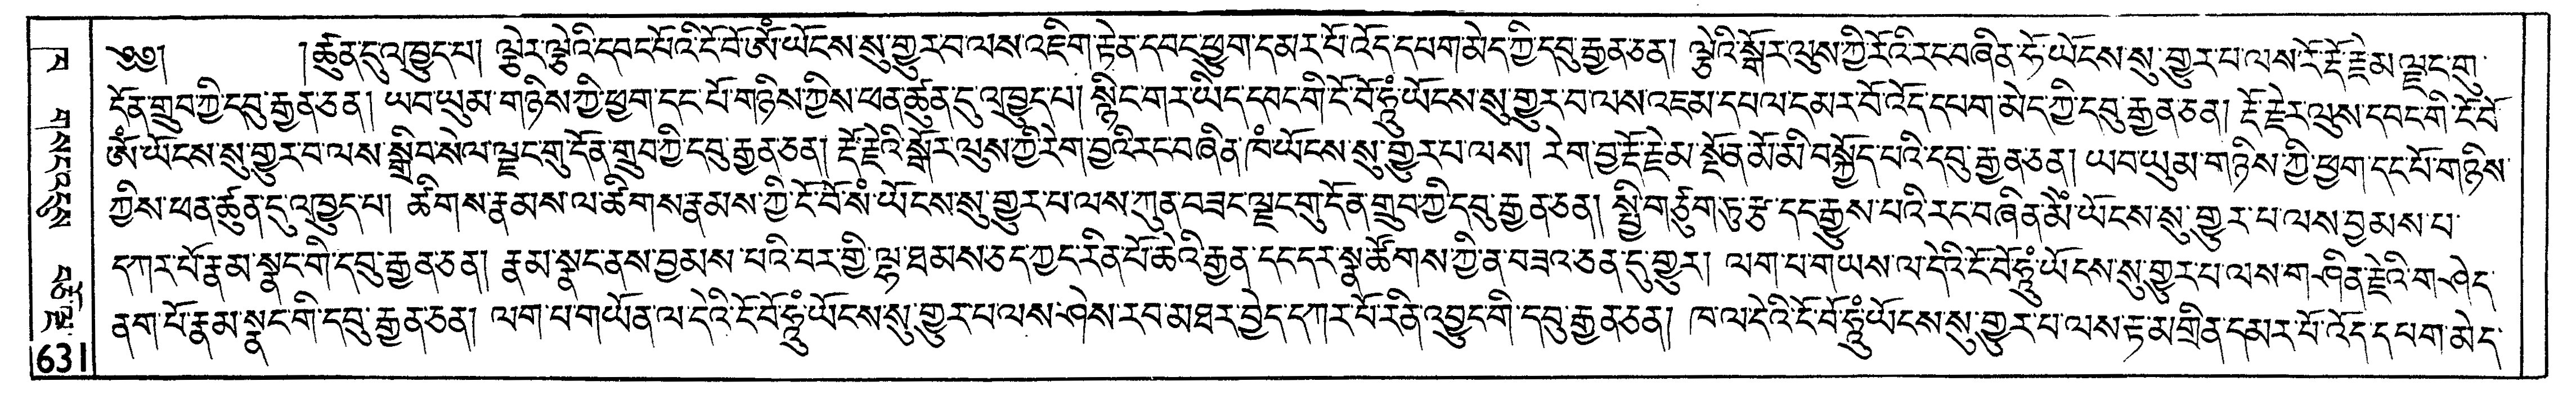༄༅། །ཚུན་དུ་འཁྱུད་པ། ལྕེར་ལྕེའི་དབང་པོའི་ངོ་བོ་ཨོཾ་ཡོངས་སུ་གྱུར་བ་ལས་འཇིག་རྟེན་དབང་ཕྱུག་དམར་པོ་འོད་དཔག་མེད་ཀྱི་དབུ་རྒྱན་ཅན། ལྕེའི་སྒོར་ལུས་ཀྱི་རོའི་རང་བཞིན་ཧོ་ཡོངས་སུ་གྱུར་པ་ལས་རོ་རྡོ་རྗེ་མ་ལྗང་གུ་
དོན་གྲུབ་ཀྱི་དབུ་རྒྱན་ཅན། ཡབ་ཡུམ་གཉིས་ཀྱི་ཕྱག་དང་པོ་གཉིས་ཀྱིས་ཕན་ཚུན་དུ་འཁྱུད་པ། སྙིང་གར་ཡིད་དབང་གི་ངོ་བོ་ཧཱུཾ་ཡོངས་སུ་གྱུར་བ་ལས་འཇམ་དཔལ་དམར་བོ་འོད་དཔག་མེད་ཀྱི་དབུ་རྒྱན་ཅན། རྡོ་རྗེར་ལུས་དབང་གི་ངོ་བོ་
ཨོཾ་ཡོངས་སུ་གྱུར་བ་ལས་སྒྲིབ་སེལ་ལྗང་གུ་དོན་གྲུབ་ཀྱི་དབུ་རྒྱན་ཅན། རྡོ་རྗེའི་སྒོར་ལུས་ཀྱི་རེག་བྱའི་རང་བཞིན་ཁཾ་ཡོངས་སུ་གྱུར་པ་ལས། རེག་བྱ་རྡོ་རྗེ་མ་སྔོན་མོ་མི་བསྐྱོད་པའི་དབུ་རྒྱན་ཅན། ཡབ་ཡུམ་གཉིས་ཀྱི་ཕྱག་དང་པོ་གཉིས་
ཀྱིས་ཕན་ཚུན་དུ་འཁྱུད་པ། ཚིགས་རྣམས་ལ་ཚིགས་རྣམས་ཀྱི་ངོ་བོ་སཾ་ཡོངས་སུ་གྱུར་པ་ལས་ཀུན་བཟང་ལྗང་གུ་དོན་གྲུབ་ཀྱི་དབུ་རྒྱན་ཅན། སྤྱི་གཙུག་ཏུ་རྩ་དང་རྒྱུས་པའི་རང་བཞིན་མཻཾ་ཡོངས་སུ་གྱུར་པ་ལས་བྱམས་པ་
དཀར་པོ་རྣམ་སྣང་གི་དབུ་རྒྱན་ཅན། རྣམ་སྣང་ནས་བྱམས་པའི་བར་གྱི་ལྷ་ཐམས་ཅད་ཀྱང་རིན་པོ་ཆེའི་རྒྱན་དང་དར་སྣ་ཚོགས་ཀྱི་ན་བཟའ་ཅན་དུ་གྱུར། ལག་པ་གཡས་ལ་དེའི་ངོ་བོ་ཧཱུཾ་ཡོངས་སུ་གྱུར་པ་ལས་གཤིན་རྗེའི་གཤེད་
ནག་པོ་རྣམ་སྣང་གི་དབུ་རྒྱན་ཅན། ལག་པ་གཡོན་ལ་དེའི་ངོ་བོ་ཧཱུཾ་ཡོངས་སུ་གྱུར་པ་ལས་ཤེས་རབ་མཐར་བྱེད་དཀར་པོ་རིན་འབྱུང་གི་དབུ་རྒྱན་ཅན། ཁ་ལ་དེའི་ངོ་བོ་ཧཱུཾ་ཡོངས་སུ་གྱུར་པ་ལས་རྟ་མགྲིན་དམར་པོ་འོད་དཔག་མེད་